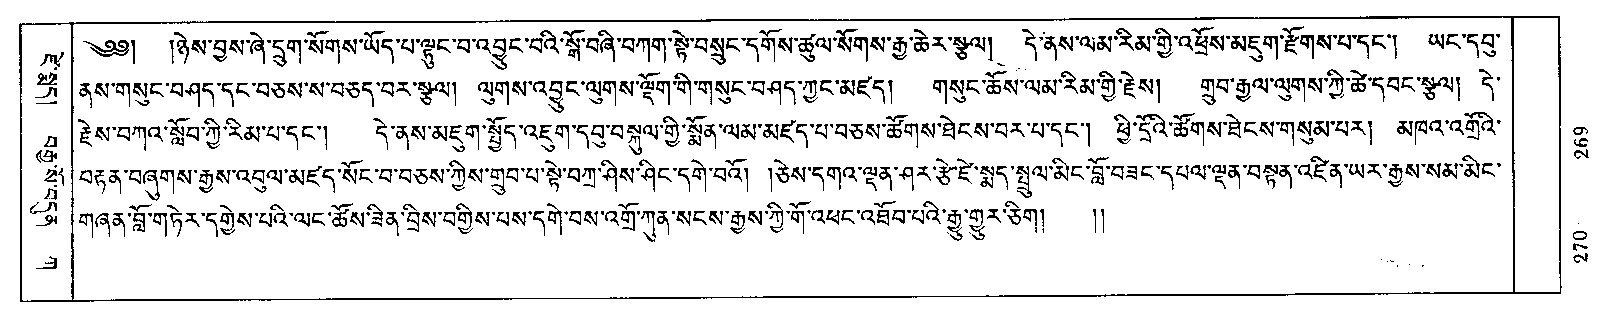༄༅། །ཉེས་བྱས་ཞེ་དྲུག་སོགས་ཡོད་པ་ལྟུང་བ་འབྱུང་བའི་སྒོ་བཞི་བཀག་སྟེ་བསྲུང་དགོས་ཚུལ་སོགས་རྒྱ་ཆེར་སྩལ། དེ་ནས་ལམ་རིམ་གྱི་འཕྲོས་མཇུག་རྫོགས་པ་དང་། ཡང་དབུ་
ནས་གསུང་བཤད་དང་བཅས་ས་བཅད་བར་སྩལ། ལུགས་འབྱུང་ལུགས་ལྡོག་གི་གསུང་བཤད་ཀྱང་མཛད། གསུང་ཆོས་ལམ་རིམ་གྱི་རྗེས། གྲུབ་རྒྱལ་ལུགས་ཀྱི་ཚེ་དབང་སྩལ། དེ་
རྗེས་བཀའ་སློབ་ཀྱི་རིམ་པ་དང་། དེ་ནས་མཇུག་སྤྱོད་འཇུག་དབུ་བསྐུལ་གྱི་སྨོན་ལམ་མཛད་པ་བཅས་ཚོགས་ཐེངས་བར་པ་དང་། ཕྱི་དྲོའི་ཚོགས་ཐེངས་གསུམ་པར། མཁའ་འགྲོའི་
བརྟན་བཞུགས་རྒྱས་འབུལ་མཛད་སོང་བ་བཅས་ཀྱིས་གྲུབ་པ་སྟེ་བཀྲ་ཤིས་ཤིང་དགེ་བའོ། །ཅེས་དགའ་ལྡན་ཤར་རྩེ་ཛེ་སྨད་སྤྲུལ་མིང་བློ་བཟང་དཔལ་ལྡན་བསྟན་འཛིན་ཡར་རྒྱས་སམ་མིང་
གཞན་བློ་གཏེར་དགྱེས་པའི་ལང་ཚོས་ཟིན་བྲིས་བགྱིས་པས་དགེ་བས་འགྲོ་ཀུན་སངས་རྒྱས་ཀྱི་གོ་འཕང་འཐོབ་པའི་རྒྱུ་གྱུར་ཅིག། །།